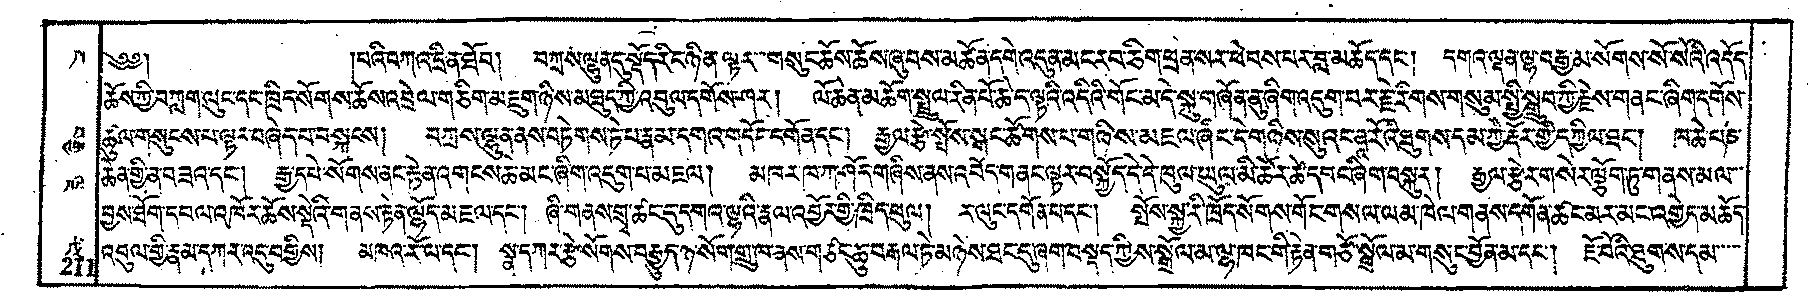༄༅། །པའི་བཀའ་དྲིན་ཐོབ། བཀྲས་ལྷུན་དུ་སྡོད་རིང་ཉིན་ལྟར་གསུང་ཆོས་ཆོས་ཞུ་བས་མཚོན་དགེ་འདུན་མང་རབ་ཅིག་ཕྲན་སར་ཕེབས་པར་བླ་མཆོད་དང་། དགའ་ལྡན་ལྷ་བརྒྱ་མ་སོགས་སོ་སོའི་འདོད་
ཆོས་ཀྱི་བཀླག་ལུང་དང་ཁྲིད་སོགས་ཆོས་འབྲེལ་གཅིག་མཇུག་ཉིས་མཐུད་ཀྱི་འབུལ་དགོས་ཤར། ལོ་ཆེན་མཆོག་སྤྲུལ་རིན་པོ་ཆེ་ད་ལྟའི་འདིའི་གོང་མ་དེ་སྐུ་གཞོན་ནུ་ཞིག་འདུག་པར་རྗེ་རིགས་གསུམ་སྤྱི་སྒྲུབ་ཀྱི་རྗེས་གནང་ཞིག་དགོས་
ཚུལ་གསུངས་པ་ལྟར་བཞེད་པ་བསྐངས། བཀྲས་ལྷུན་ནས་བཏེགས་ཏེ་པ་རྣམ་དགའ་གདོང་དགོན་དང་། རྒྱལ་རྩེ་སྤོས་སྒང་ཚོགས་པ་གཉིས་མཇལ་ཞིང་དེ་གཉིས་སུའང་ནཱ་རོའི་ཐུགས་དམ་ཀྱཻ་རྡོར་གྱི་དཀྱིལ་ཐང་། ཁ་ཆེ་པཎ་
ཆེན་གྱི་ན་བཟའ་དང་། རྒྱ་དཔེ་སོགས་ནང་རྟེན་འགངས་ཆེ་མང་ཞིག་འདུག་པ་མཇལ། མཁར་ཁ་ཀ་ཤོད་གཞིས་ནས་འབོད་གནང་ལྟར་བསྐྱོད་དེ་དེ་ཁུལ་ཡུལ་མི་ཚོར་ཚེ་དབང་ཞིག་བསྐུར། རྒྱལ་རྩེར་གསེར་ལྕོག་ཏུ་གནས་མལ་
བྱས་ཐོག་དཔལ་འཁོར་ཆོས་སྡེའི་གནས་རྟེན་ལྷོད་མཇལ་དང་། ཞི་གནས་གྲྭ་ཚང་དུ་དགའ་ལྷའི་རྣལ་འབྱོར་གྱི་ཁྲིད་ཕུལ། ར་ལུང་དགོན་པ་དང་། སྤོས་སྐྱ་རི་ཁྲོད་སོགས་གོང་གསལ་ལམ་ཁེལ་གནས་དགོན་ཚང་མར་མང་འགྱེད་མཆོད་
འབུལ་གྱི་རྣམ་དཀར་འདུ་བགྱིས། མཁའ་རོ་ལ་དང་། སྣ་དཀར་རྩེ་སོགས་བརྒྱུད་ཉ་སོགས་གྲུ་ཁ་ནས་གཙང་ཆུ་བརྒལ་ཏེ་མཉེས་ཐང་དུ་ཞག་བསྡད་ཀྱིས་སྒྲོལ་མ་ལྷ་ཁང་གི་རྟེན་གཙོ་སྒྲོལ་མ་གསུང་བྱོན་མ་དང་། ཇོ་བོའི་ཐུགས་དམ་